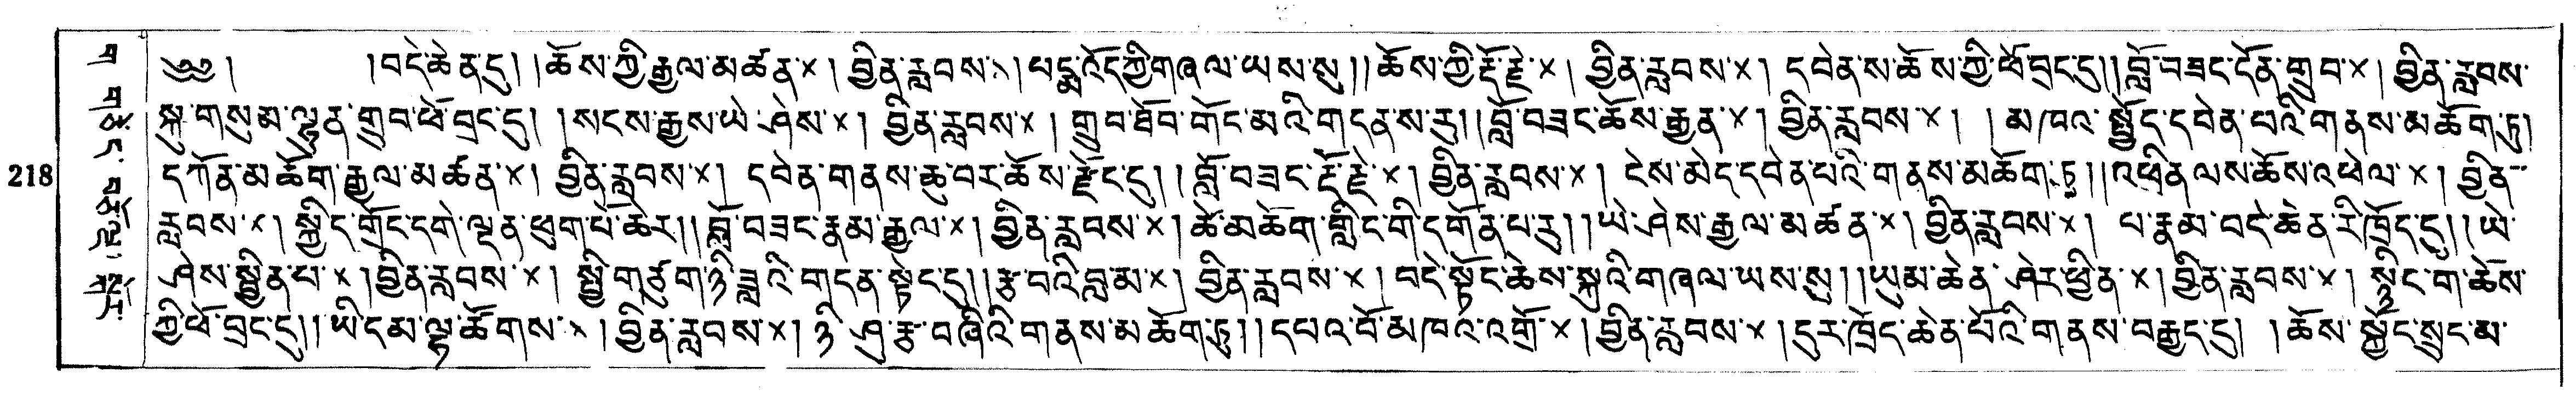༄༅། །བདེ་ཆེན་དུ། །ཆོས་ཀྱི་རྒྱལ་མཚན་྾། བྱིན་རླབས་྾། པདམ་འོད་ཀྱི་གཞལ་ཡས་སུ། །ཆོས་ཀྱི་རྡོ་རྗེ་྾། བྱིན་རླབས་྾། དབེན་ས་ཆོས་ཀྱི་ཕོ་བྲང་དུ། །བློ་བཟང་དོན་གྲུབ་྾། བྱིན་རླབས་
སྐུ་གསུམ་ལྷུན་གྲུབ་ཕོ་བྲང་དུ། །སངས་རྒྱས་ཡེ་ཤེས་྾། བྱིན་རླབས་྾། གྲུབ་ཐོབ་གོང་མའི་གདན་ས་རུ། །བློ་བཟང་ཆོས་རྒྱན་྾། བྱིན་རླབས་྾། །མཁའ་སྤྱོད་དབེན་པའི་གནས་མཆོག་ཏུ།
དཀོན་མཆོག་རྒྱལ་མཚན་྾། བྱིན་རླབས་྾། དབེན་གནས་ཆུ་བར་ཆོས་རྫོང་དུ། །བློ་བཟང་རྡོ་རྗེ་྾། བྱིན་རླབས་྾། ངེས་མེད་དབེན་པའི་གནས་མཆོག་ཏུ། །འཕྲིན་ལས་ཆོས་འཕེལ་྾། བྱིན་
རླབས་྾། སྐྱིད་གྲོང་དགེ་ལྡན་ཕུག་པོ་ཆེར། །བློ་བཟང་རྣམ་རྒྱལ་྾། བྱིན་རླབས་྾། ཚེ་མཆོག་གླིང་གི་དགོན་པ་རུ། །ཡེ་ཤེས་རྒྱལ་མཚན་྾། བྱིན་རླབས་྾། པ་རྣམ་བདེ་ཆེན་རི་ཁྲོད་དུ། །ཡེ་
ཤེས་སྦྱིན་པ་྾། བྱིན་རླབས་྾། སྤྱི་གཙུག་ཉི་ཟླའི་གདན་སྟེང་དུ། །རྩ་བའི་བླ་མ་྾། བྱིན་རླབས་྾། བདེ་སྟོང་ཆེས་སྐུའི་གཞལ་ཡས་སུ། །ཡུམ་ཆེན་ཤེར་ཕྱིན་྾། བྱིན་རླབས་྾། སྙིང་ག་ཆོས་
ཀྱི་ཕོ་བྲང་དུ། །ཡི་དམ་ལྷ་ཚོགས་྾། བྱིན་རླབས་྾། ཉི་ཤུ་རྩ་བཞིའི་གནས་མཆོག་ཏུ། །དཔའ་བོ་མཁའ་འགྲོ་྾། བྱིན་རླབས་྾། དུར་ཁྲོད་ཆེན་པོའི་གནས་བརྒྱད་དུ། །ཆོས་སྐྱོང་སྲུང་མ་